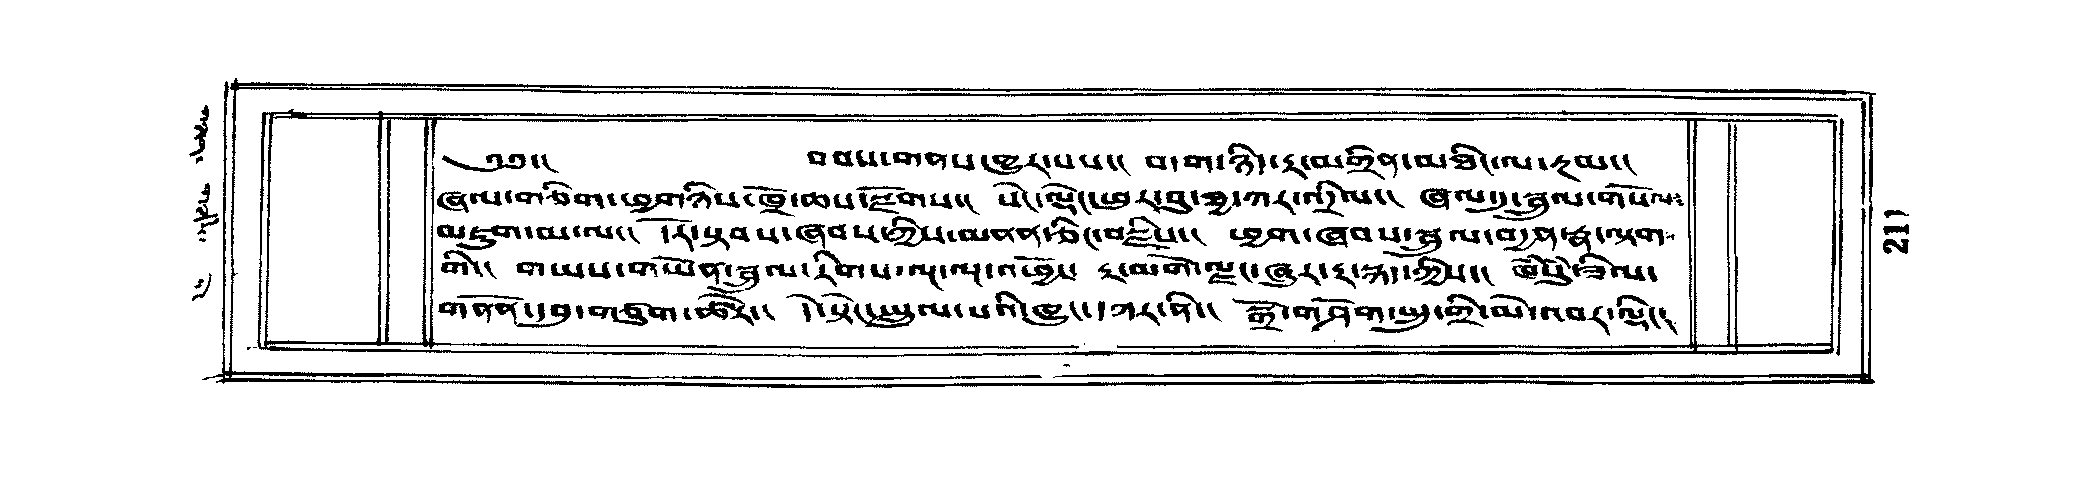བབས་གནས་གྱུར་པས། བདག་ཉིད་རྟ་མགྲིན་མཐིང་ལ་རྔམ། 
ཞལ་གཅིག་ཕྱག་གཉིས་ཁྲོ་ཆས་རྫོགས། སེང་སྡེང་ཕུར་བུ་ཐུགས་ཀར་འདྲིལ། ཞལ་དུ་སྦྲུལ་གསོལ་
མཇུག་མ་ལ། དོར་སྟོབས་ཞབས་ཀྱིས་མནན་ཅིང་བརྫིས། ཕྱག་ཞབས་སྦྲུལ་བརྒྱན་རྣ་ལྟག་
གི གཡས་གཡོན་སྦྲུལ་རིགས་ལྔ་འཕྱོང་། རྟ་མགོ་ལྗང་ཞུར་རྟ་སྐད་ཀྱིས། ཁམས་སུམ་ཟིལ་
གནོན་དབུ་གཙུག་ཚེར། དེ་སྟེང་སྤྲུལ་པའི་ཁྱུང་དཀར་ནི། སྒྲོ་གཤོག་སྤུ་གྲི་མེ་འབར་ལྡིང་།